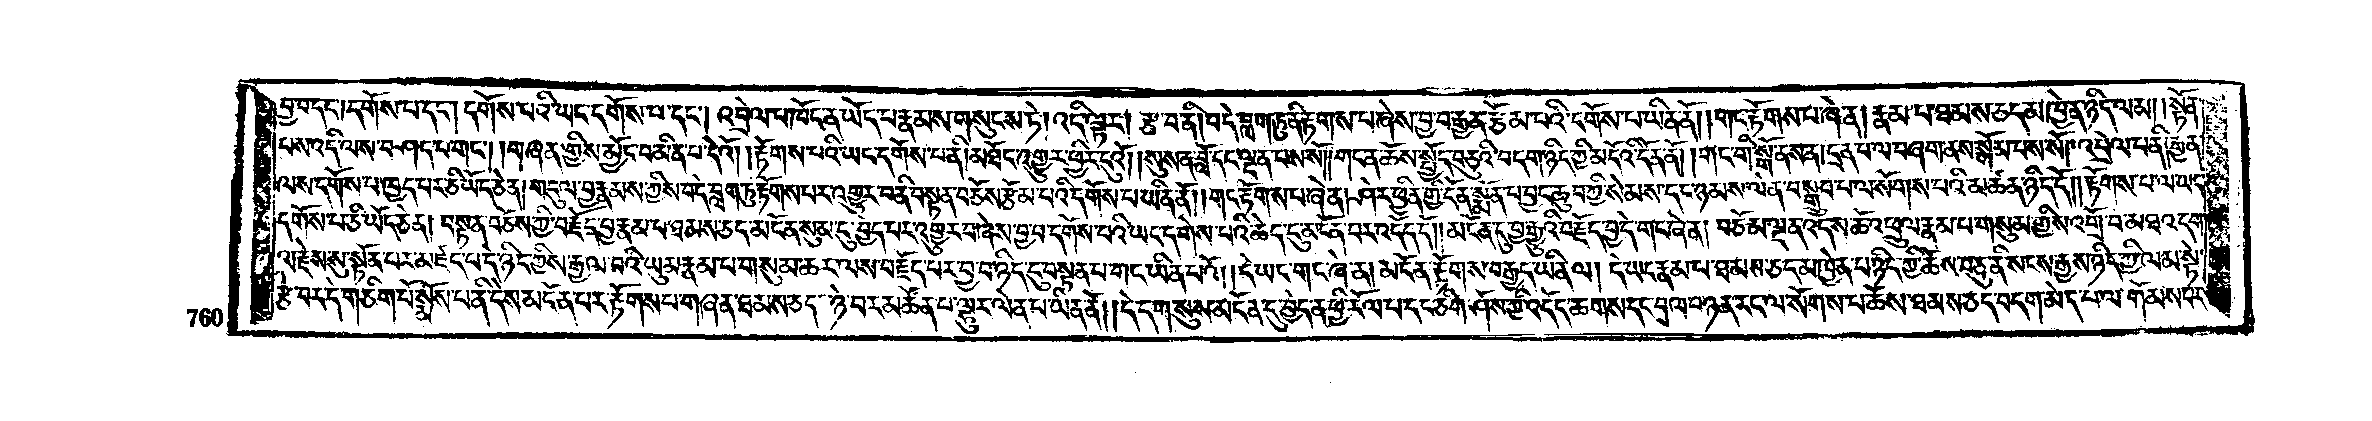བྱ་བ་དང་། དགོས་པ་དང་། དགོས་པའི་ཡང་དགོས་པ་དང་། འབྲེལ་བ་ཁོང་ན་ཡོད་པ་རྣམས་གསུངས་ཏེ། འདི་ལྟར། རྩ་བ་ནི། བདེ་བླག་ཏུ་ནི་རྟོགས་པ་ཞེས་བྱ་བ་རྒྱན་རྩོམ་པའི་དགོས་པ་ཡིན་ནོ། །གང་རྟོགས་པ་ཞེ་ན། རྣམ་པ་ཐམས་ཅད་མཁྱེན་ཉིད་ལམ། །སྟོན་
པས་འདི་ལས་བཤད་པ་གང་། །གཞན་གྱིས་མྱོང་བ་མིན་པ་དེའོ། །རྟོགས་པའི་ཡང་དགོས་པ་ནི། མཐོང་འགྱུར་ཕྱིར་དུའོ། །སུས་ན་བློ་དང་ལྡན་པས་སོ། །གང་ན་ཆོས་སྤྱོད་བཅུའི་བདག་ཉིད་ཀྱི་མདོའི་དོན་ནོ། །གང་གི་སྒོ་ནས་ནི། དྲན་པ་ལ་བཞག་ནས་སྒོམ་པས་སོ། འབྲེལ་བ་ནི། རྒྱན་
ལས་དགོས་པ་ཁྱད་པར་ཅི་ཡོད་ཅེ་ན། གདུལ་བྱ་རྣམས་ཀྱིས་བདེ་བླག་ཏུ་རྟོགས་པར་འགྱུར་བ་ནི་བསྟན་བཅོས་རྩོམ་པའི་དགོས་པ་ཡིན་ནོ། །གང་རྟོགས་པ་ཞེ་ན། ཤེར་ཕྱིན་གྱི་དོན་སྨོན་པ་བྱང་ཆུབ་ཀྱི་སེམས་དང་ཉམས་ལེན་བསྒྲུབ་པ་ལ་སོགས་པའི་མཚན་ཉིད་དོ། །རྟོགས་པ་ལ་ཡང་
དགོས་པ་ཅི་ཡོད་ཅེ་ན། བསྟན་བཅོས་ཀྱི་བརྗོད་བྱ་རྣམ་པ་ཐམས་ཅད་མངོན་སུམ་དུ་བྱེད་པར་འགྱུར་བ་ཞེས་བྱ་བ་དགོས་པའི་ཡང་དགེས་པའི་ཆེད་དུ་མངོན་པར་འདོད་དོ། །མངོན་དུ་བྱ་རྒྱུའི་བརྗོད་བྱ་དེ་གང་ཞེ་ན། བཅོམ་ལྡན་འདས་ཆོ་འཕྲུལ་རྣམ་པ་གསུམ་གྱིས་འགྲོ་བ་མཐའ་དག་
ལ་རྗེས་སུ་སྟོན་པར་མཛད་པ་དེ་ཉིད་ཀྱིས་རྒྱལ་བའི་ཡུམ་རྣམ་པ་གསུམ་ཆར་ལས་བརྗོད་པར་བྱ་བ་ཉིད་དུ་བསྟན་པ་གང་ཡིན་པའོ། །དེ་ཡང་གང་ཞེ་ན། མངོན་རྟོགས་བརྒྱད་ཡིན་ལ། དེ་ཡང་རྣམ་པ་ཐམས་ཅད་མཁྱེན་པ་ཉིད་ཀྱི་ཆོས་བཅུ་ནི་སངས་རྒྱས་ཉིད་ཀྱི་ལམ་སྟེ་
རྩེ་བར་དེ་གཅིག་པོ་སྨོས་པ་ནི་དེས་མངོན་པར་རྟོགས་པ་གཞན་ཐམས་ཅད་ཉེ་བར་མཚོན་པ་ལྷུར་ལེན་པ་ཡིན་ནོ། །དེ་དག་སུས་མངོན་དུ་བྱེད་ན་ཕྱི་རོལ་པ་དང་ཅིག་ཤོས་ཀྱི་འདོད་ཆགས་དང་བྲལ་བ་ཉན་རང་ལ་སོགས་པ་ཆོས་ཐམས་ཅད་བདག་མེད་པ་ལ་གོམས་པ་